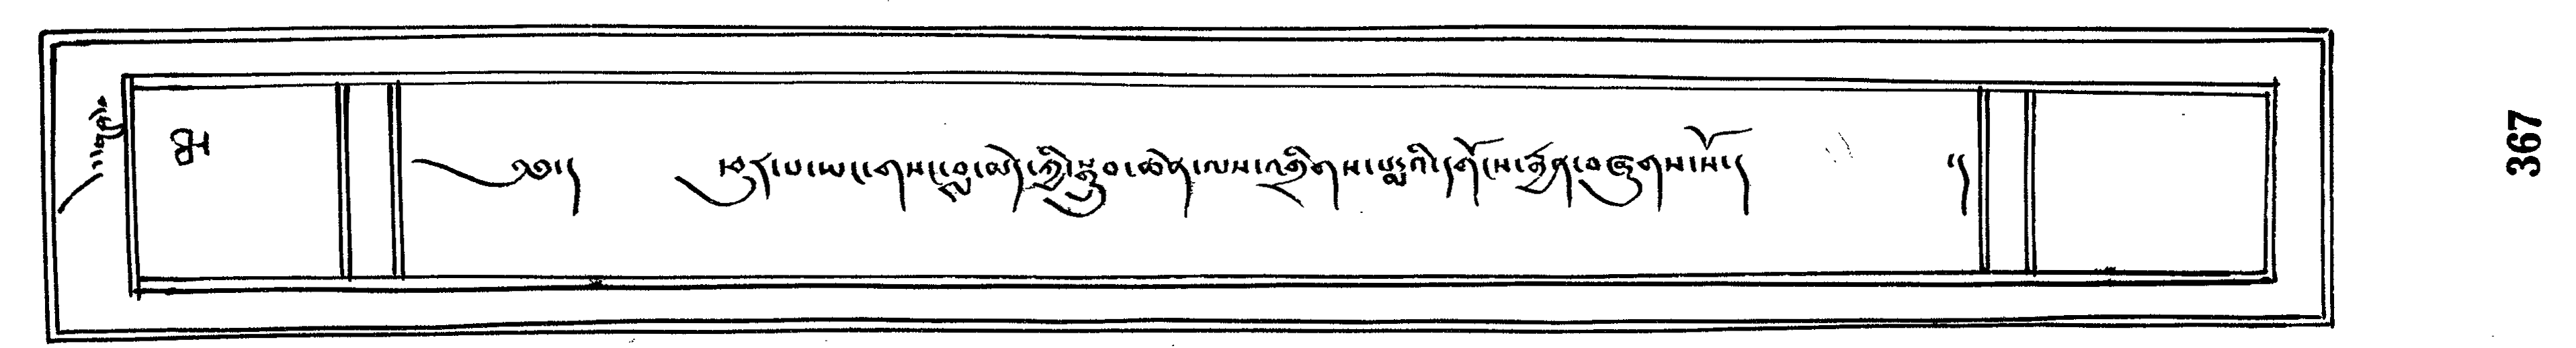༄༅། ཕུར་པ་ཡང་གསང་བླ་མེད་ཀྱི་སྒྲུབ་ཆེན་ལས་འགྲིགས་པདྨའི་དགོངས་རྒྱན་བཞུགས་སོ།།